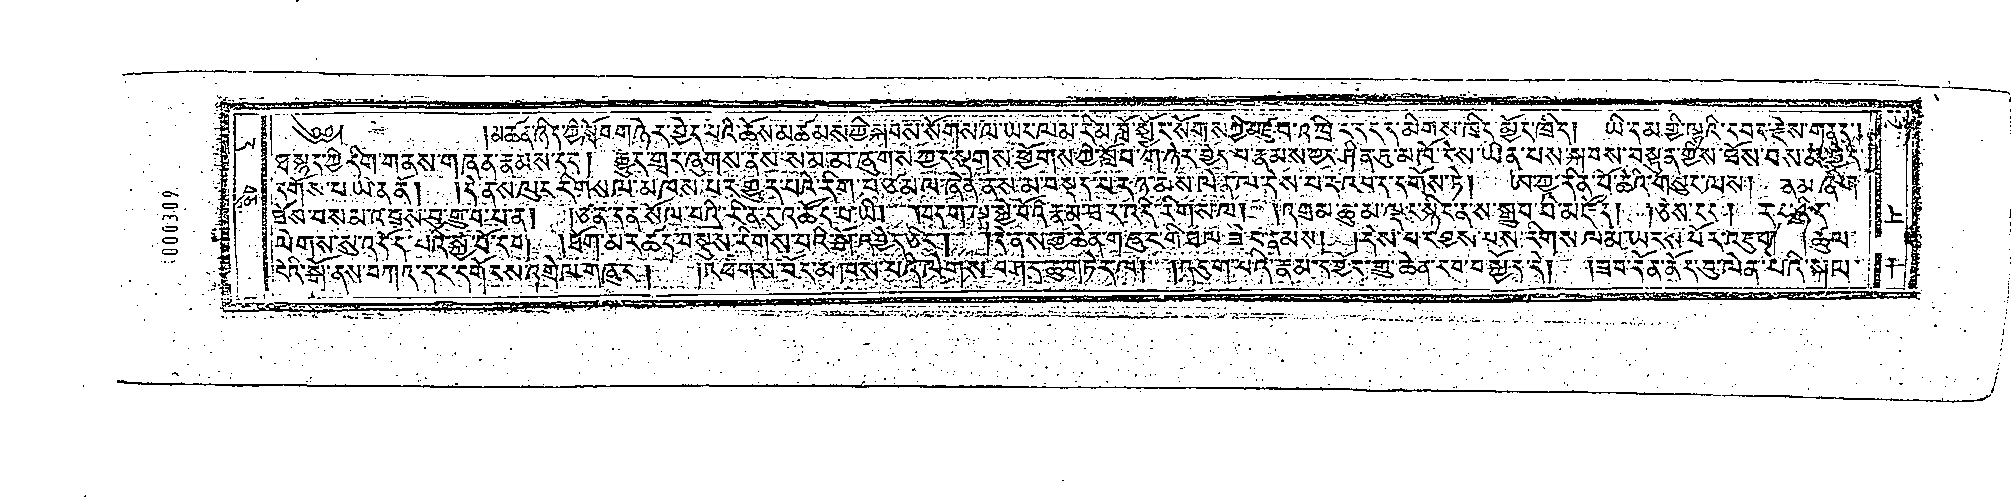༄༅། །མཚན་ཉིད་ཀྱི་སློབ་གཉེར་བྱེད་པའི་ཆོས་མཚམས་ཀྱི་སྐབས་སོགས་ལ་ཡང་ལམ་རིམ་བློ་སྤྱོད་སོགས་ཀྱི་མཛུབ་འཁྲིང་དང་དམིགས་ཁྲིད་མྱོང་ཁྲིད། ཡི་དམ་གྱི་ལྷའི་དབང་རྗེས་གནང་།
ཐ་སྙད་ཀྱི་རིག་གནས་གཞན་རྣམས་དང་། རྒྱུད་གྲྭར་ཞུགས་ནས་སམ་མ་ཞུགས་ཀྱང་སྡགས་ཕྱོགས་ཀྱི་སློབ་གཉེར་བྱེད་པ་རྣམས་ཀྱང་ཤིན་ཏུ་མཁོ་དེས་ཡིན་པས་སྐབས་བསྟུན་གྱིས་ཐོས་བསམ་བྱེད་
དགོས་པ་ཡིན་ནོ། །དེ་ནས་ལུང་རིགས་ལ་མཁས་པར་གྱུར་པའི་རིག་པ་ཙམ་ལ་ཞེན་ནས་མ་བསྡད་པར་ཉམས་ལེན་ལ་ངེས་པར་འབད་དགོས་ཏེ། ཨ་ཀྱཱ་རིན་པོ་ཆེའི་གསུང་ལས། ནམ་ཞིག་
ཐོས་བསམ་འབྲས་བུ་གྲུབ་པ་ན། །ཙན་དན་སོལ་བའི་རིན་དུ་འཚོང་པ་ཡི། །བདག་ལྟ་སྐྱེ་བོའི་རྣམ་ཐར་འདི་རིགས་ལ། །འགྲམ་ཆུ་མ་ལྡང་སྙིང་ནས་སྒྲུབ་པ་མཛོད། །ཅེས་དང་། རང་ཉིད་
ལེགས་སུ་འདོད་པའི་སྐྱེ་བོ་རབ། །ཐོག་མར་ཚད་བསྡུས་རིགས་པའི་སྒོ་འབྱེད་ཅིང་། །དེ་ནས་རྒྱ་ཆེན་གཞུང་གི་ཐལ་ཟེར་རྣམས། །དེས་པར་བྱས་པས་རིགས་ལམ་ཡངས་པོར་འཇུབ། །ཚུལ་
དེའི་སྒོ་ནས་བཀའ་དང་དགོངས་འགྲེལ་གཞུང་། །འཕགས་བོང་མཁས་པའི་ལེགས་བཤད་ཆུ་གཏེར་ལ། །འདུག་པའི་རྣམ་དཔྱོད་གྲུ་ཆེན་རབ་བསྐྱོད་དེ། །ཟབ་དོན་ནོར་བུ་ལེན་པའི་སྐལ་